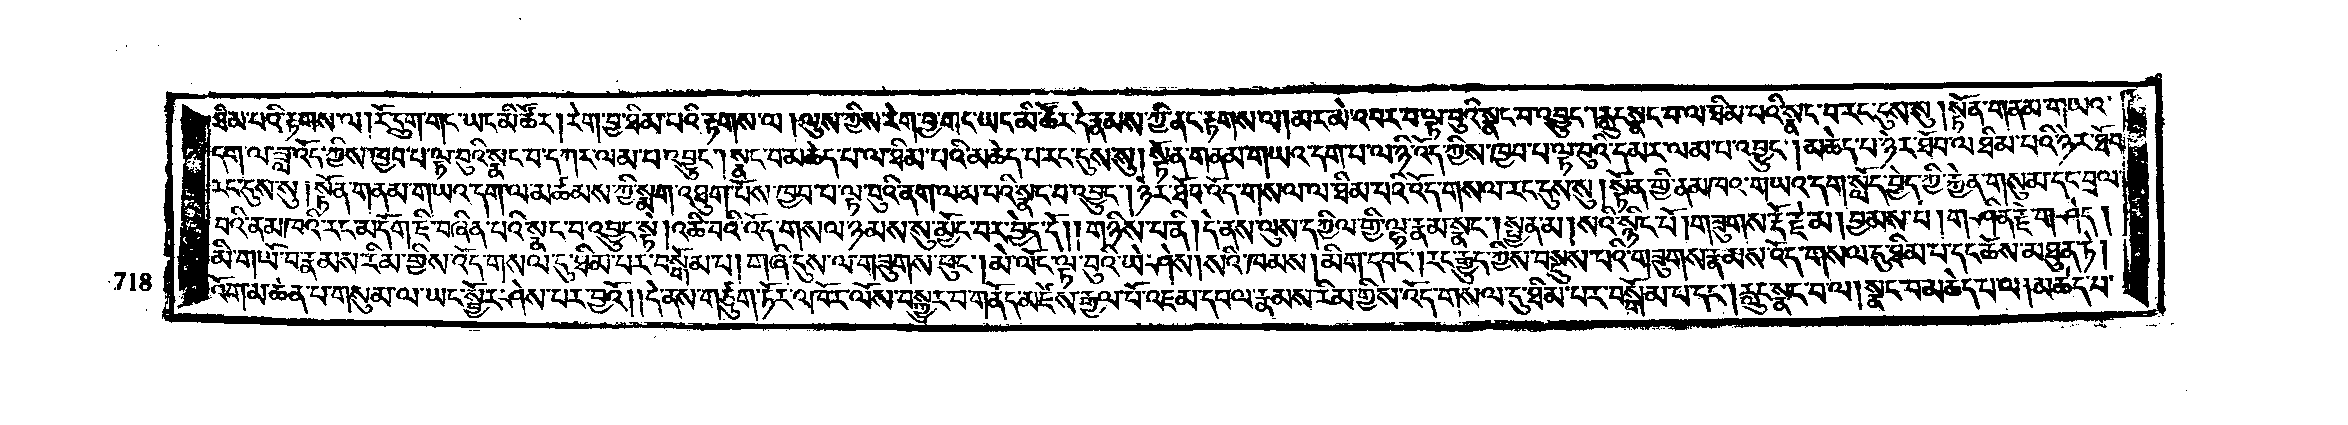ཐིམ་པའི་རྟགས་ལ། རོ་དྲུག་གང་ཡང་མི་ཚོར། རེག་བྱ་ཐིམ་པའི་རྟགས་ལ། ལུས་ཀྱིས་རེག་བྱ་གང་ཡང་མི་ཚོར་དེ་རྣམས་ཀྱི་ནང་རྟགས་ལ། མར་མེ་འབར་བ་ལྟ་བུའི་སྣང་བ་འབྱུང་། རླུང་སྣང་བ་ལ་ཐིམ་པའི་སྣང་བ་རང་དུས་སུ། སྟོན་གནམ་གཡའ་
དག་ལ་ཟླ་འོད་ཀྱིས་ཁྱབ་པ་ལྟ་བུའི་སྣང་བ་དཀར་ལམ་པ་འབྱུང་། སྣང་བ་མཆེད་པ་ལ་ཐིམ་པའི་མཆེད་པ་རང་དུས་སུ། སྟོན་གནམ་གཡའ་དག་པ་ལ་ཉི་འོད་ཀྱིས་ཁྱབ་པ་ལྟ་བུའི་དམར་ལམ་པ་འབྱུང་། མཆེད་པ་ཉེར་ཐོབ་ལ་ཐིམ་པའི་ཉེར་ཐོབ་
རང་དུས་སུ། སྟོན་གནམ་གཡའ་དག་ལ་མཚམས་ཀྱི་སྨག་འཐུག་པོས་ཁྱབ་པ་ལྟ་བུའི་ནག་ལམ་པའི་སྣང་བ་འབྱུང་། ཉེར་ཐོབ་འོད་གསལ་ལ་ཐིམ་པའི་འོད་གསལ་རང་དུས་སུ། སྟོན་གྱི་ནམ་མཁའ་གཡའ་དག་སློད་བྱེད་ཀྱི་རྐྱེན་གསུམ་དང་བྲལ་
བའི་ནམ་མཁའི་རང་མདོག་ཇི་བཞིན་པའི་སྣང་བ་འབྱུང་སྟེ། འཆི་བའི་འོད་གསལ་ཉམས་སུ་མྱོང་བར་བྱེད་དོ། །གཉིས་པ་ནི། དེ་ནས་ལུས་དཀྱིལ་གྱི་ལྷ་རྣམ་སྣང་། སྤྱན་མ། སའི་སྙིང་པོ། གཟུགས་རྡོ་རྗེ་མ། བྱམས་པ། གཤིན་རྗེ་གཤེད།
མི་གཡོ་བ་རྣམས་རིམ་གྱིས་འོད་གསལ་དུ་ཐིམ་པར་བསྒོམ་པ། གཞི་དུས་ལ་གཟུགས་ཕུང་། མེ་ལོང་ལྟ་བུའི་ཡེ་ཤེས། སའི་ཁམས། མིག་དབང་། རང་རྒྱུད་ཀྱིས་བསྡུས་པའི་གཟུགས་རྣམས་འོད་གསལ་དུ་ཐིམ་པ་དང་ཆོས་མཐུན་ཏེ།
འོག་མ་ཆེན་པ་གསུམ་ལ་ཡང་སྦྱོར་ཤེས་པར་བྱའོ། །དེ་ནས་གཙུག་ཏོར་འཁོར་ལོས་བསྒྱུར་བ་གནོད་མཛེས་རྒྱལ་པོ་འཇམ་དཔལ་རྣམས་རིམ་གྱིས་འོད་གསལ་དུ་ཐིམ་པར་བསྒོམ་པ་དང་། རླུང་སྣང་བ་ལ། སྣང་བ་མཆེད་པ་ལ། མཆེད་པ་